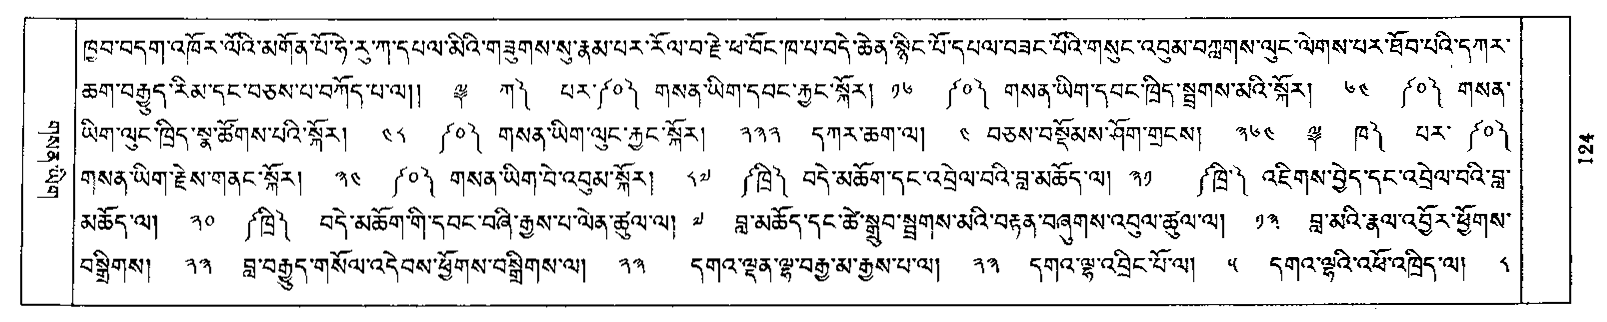ཁྱབ་བདག་འཁོར་ལོའི་མགོན་པོ་ཧེ་རུ་ཀ་དཔལ་མིའི་གཟུགས་སུ་རྣམ་པར་རོལ་བ་རྗེ་ཕ་བོང་ཁ་པ་བདེ་ཆེན་སྙིང་པོ་དཔལ་བཟང་པོའི་གསུང་འབུམ་བཀླགས་ལུང་ལེགས་པར་ཐོབ་པའི་དཀར་
ཆག་བརྒྱུད་རིམ་དང་བཅས་པ་བཀོད་པ་ལ།། ༈ ཀ྄་པར ༼༠?་གསན་ཡིག་དབང་རྐྱང་སྐོར། ༡༦་༽༠?་གསན་ཡིག་དབང་ཁྲིད་སྦྲགས་མའི་སྐོར། ༦༤ ༠?་གསན་
ཡིག་ལུང་ཁྲིད་སྣ་ཚོགས་པའི་སྐོར། ༤༨ ༼༠?་གསན་ཡིག་ལུང་རྐྱང་སྐོར། ༢༣༢་དཀར་ཆག་ལ། ༤་བཅས་བསྡོམས་ཤོག་གྲངས། ༣༦༤་༈ ཁ྄་པར་༽༠?
གསན་ཡིག་རྗེས་གནང་སྐོར། ༣༤ ༼༠?་གསན་ཡིག་བེ་འབུམ་སྐོར། ༨༧་༽ཁྲ྄ི་བདེ་མཆོག་དང་འབྲེལ་བའི་བླ་མཆོད་ལ། ༣༡་ཁྲ྄ི་འཇིགས་བྱེད་དང་འབྲེལ་བའི་བླ་
མཆོད་ལ། ༢༠་ཁྲ྄ི་བདེ་མཆོག་གི་དབང་བཞི་རྒྱས་པ་ལེན་ཚུལ་ལ། ༧་བླ་མཆོད་དང་ཚེ་སྒྲུབ་སྦྲགས་མའི་བརྟན་བཞུགས་འབུལ་ཚུལ་ལ། ༡༣་བླ་མའི་རྣལ་འབྱོར་ཕྱོགས་
བསྒྲིགས། ༢༣་བླ་བརྒྱུད་གསོལ་འདེབས་ཕྱོགས་བསྒྲིགས་ལ། ༢༣་དགའ་ལྡན་ལྷ་བརྒྱ་མ་རྒྱས་པ་ལ། ༢༣་དགའ་ལྷ་འབྲིང་པོ་ལ། ༥་དགའ་ལྷའི་འཕོ་འཁྲིད་ལ། ༨